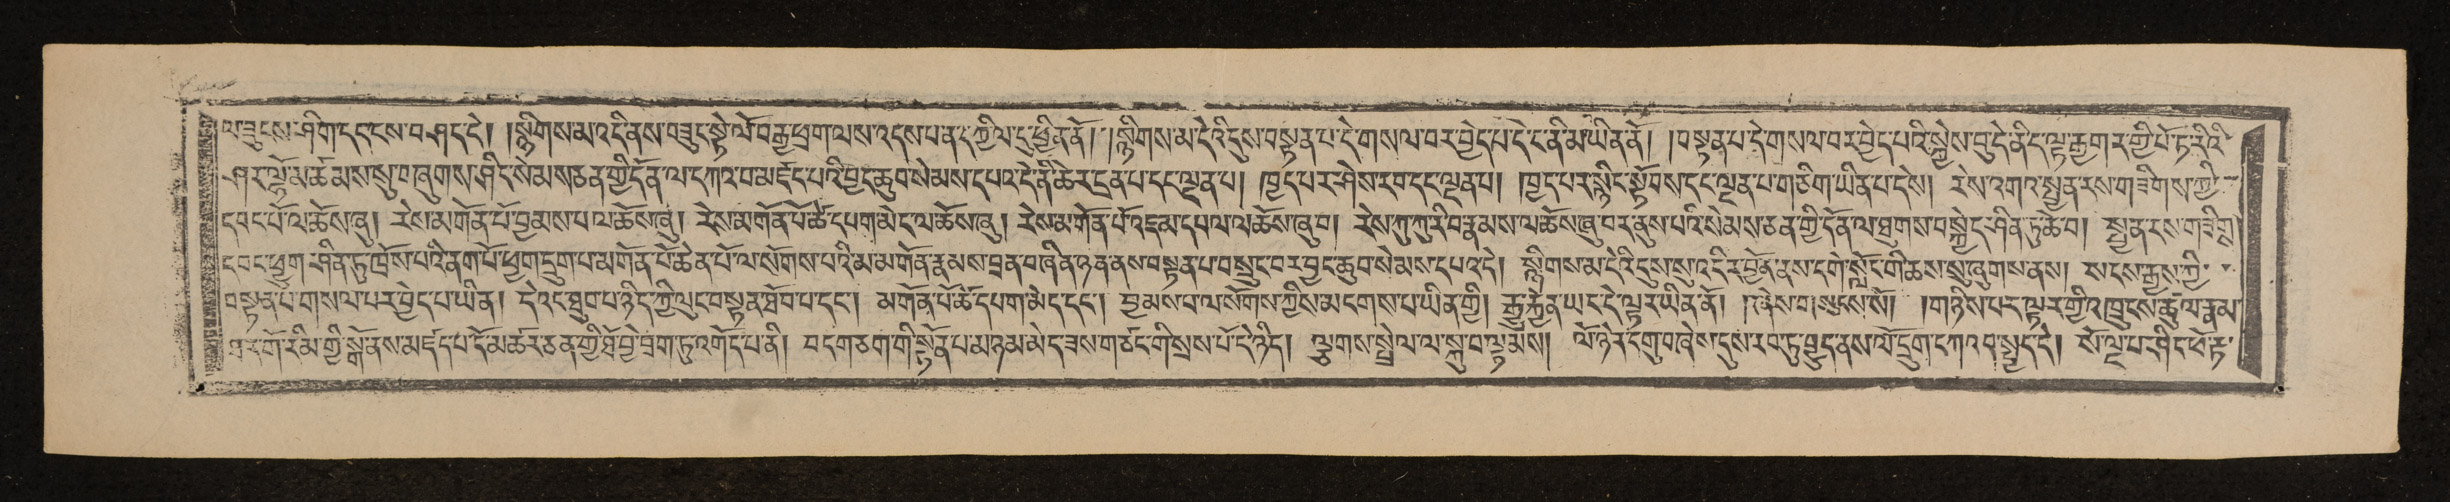ལ་ཟུངས་ཤིག་དང་ངས་བཤད་དོ། །སྙིགས་མ་འདི་ནས་བཟུང་སྟེ་ལོ་བརྒྱ་ཕྲག་ལས་འདས་པ་ན་དཀྱིལ་དུ་ཕྱིན་ནོ། །སྙིགས་མ་དེའི་དུས་བསྟན་པ་དེ་གསལ་བར་བྱེད་པ་དེ་ང་ནི་མ་ཡིན་ནོ། །བསྟན་པ་དེ་གསལ་བར་བྱེད་པའི་སྐྱེས་བུ་དེ་ནི་ད་ལྟ་རྒྱ་གར་གྱི་པོ་ཏ་རིའི་
ཤར་ལྷོ་མཚམས་སུ་བཞུགས་ཤིང་སེམས་ཅན་གྱི་དོན་ལ་དཀའ་བ་མཛད་པའི་བྱང་ཆུབ་སེམས་དཔའ་དེ་ནི་ཆེར་དྲན་པ་དང་ལྡན་པ། ཁྱད་པར་ཤེས་རབ་དང་ལྡན་པ། ཁྱད་པར་སྙིང་སྟོབས་དང་ལྡན་པ་གཅིག་ཡིན་པ་དེས། རེས་འགའ་སྤྱན་རས་གཟིགས་ཀྱི་
དབང་པོ་ལ་ཆོས་ཞུ། རེས་མགོན་པོ་བྱམས་པ་ལ་ཆོས་ཞུ། རེས་མགོན་པོ་ཚེ་དཔག་མེད་ལ་ཆོས་ཞུ། རེས་མགོན་པོ་འཇམ་དཔལ་ལ་ཆོས་ཞུ་བ། རེས་ཀུ་ཀུ་རི་བ་རྣམས་ལ་ཆོས་ཞུ་བར་ནུས་པའི་སེམས་ཅན་གྱི་དོན་ལ་ཐུགས་བསྐྱེད་ཤིན་ཏུ་ཆེ་བ། སྤྱན་རས་གཟིགས་
དབང་ཕྱུག་ཤིན་ཏུ་ཁྲོས་པའི་ནག་པོ་ཕྱག་དྲུག་པ་མགོན་པོ་ཆེན་པོ་ལ་སོགས་པའི་མ་མགོན་རྣམས་བྲན་བཞིན་ཉན་ནས་བསྟན་པ་བསྲུང་བར་བྱང་ཆུབ་སེམས་དཔའ་དེ། སྙིགས་མ་དེའི་དུས་སུ་འདིར་བྱོན་ནས་དགེ་སློང་གི་ཆས་སུ་ཞུགས་ནས། སངས་རྒྱས་ཀྱི་
བསྟན་པ་གསལ་བར་བྱེད་པ་ཡིན། དེའང་ཐུབ་པ་ཉིད་ཀྱི་ལུང་བསྟན་ཐོབ་པ་དང་། མགོན་པོ་ཚེ་དཔག་མེད་དང་། བྱམས་པ་ལ་སོགས་ཀྱིས་མངགས་པ་ཡིན་གྱི། རྒྱུ་རྐྱེན་ཡང་དེ་ལྟར་ཡིན་ནོ། །ཞེས་གསུངས་སོ། །གཉིས་པ་ད་ལྟར་གྱི་འཁྲུངས་ཚུལ་རྣམ་
ཐར་གོ་རིམ་གྱི་སྒོ་ནས་མཛད་པ་ངོ་མཚར་ཅན་གྱི་ཐོ་བྱེ་བྲག་ཏུ་འགོད་པ་ནི། བདག་ཅག་གི་སྟོན་པ་མཉམ་མེད་ཟས་གཙང་གི་སྲས་པོ་དེ་ཉིད། ལྕགས་སྤྲེལ་ལ་སྐུ་བལྟམས། ལོ་ཉེར་དགུ་བཞེས་དུས་རབ་ཏུ་བྱུང་ནས་ལོ་དྲུག་དཀའ་བ་སྤྱད་དེ། སོ་ལྔ་པ་ཤིང་ཕོ་རྟ་